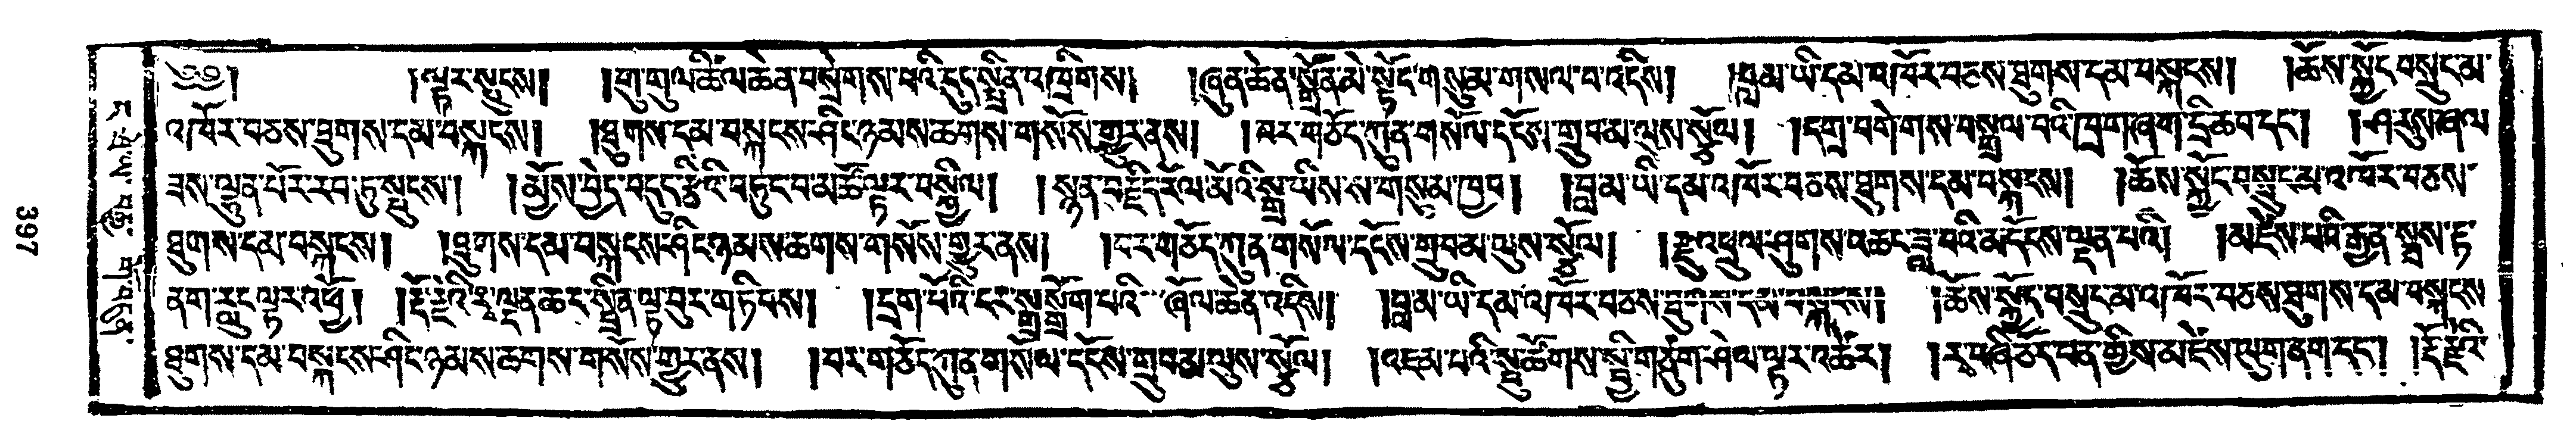༄༅། །ལྟར་སྤུངས། །གུ་གུལ་ཚི་ལ་ཆེན་བསྲེགས་པའི་དུད་སྤྲིན་འཁྲིགས། །ཞུན་ཆེན་སྒྲོན་མེ་སྟོང་གསུམ་གསལ་བ་འདིས། །བླ་མ་ཡི་དམ་འཁོར་བཅས་ཐུགས་དམ་བསྐངས། །ཆོས་སྐྱོང་བསྲུང་མ་
འཁོར་བཅས་ཐུགས་དམ་བསྐངས། །ཐུགས་དམ་བསྐངས་ཤིང་ཉམས་ཆགས་གསོས་གྱུར་ནས། །བར་གཅོད་ཀུན་གསོལ་དངོས་གྲུབ་མ་ལུས་སྩོལ། །དགྲ་བགེ་གས་བསྒྲལ་བའི་ཁྲག་ཞག་དྲི་ཆབ་དང་། །ཤ་རུས་ཞལ་
ཟས་ལྷུན་པོར་རབ་ཏུ་སྤུངས། །མྱོས་བྱེད་བདུད་རྩིའི་བཏུང་བ་མཚོ་ལྟར་བསྐྱིལ། །སྙན་བརྗིད་རོལ་མོའི་སྒྲ་ཡིས་ས་གསུམ་ཁྱབ། །བླ་མ་ཡི་དམ་འཁོར་བཅས་ཐུགས་དམ་བསྐངས། །ཆོས་སྐྱོང་བསྲུང་མ་འཁོར་བཅས་
ཐུགས་དམ་བསྐངས། །ཐུགས་དམ་བསྐངས་ཤིང་ཉམས་ཆགས་གསོས་གྱུར་ནས། །བར་གཅོད་ཀུན་གསོལ་དངོས་གྲུབ་མ་ལུས་སྩོལ། །རྫུ་འཕྲུལ་ཤུགས་འཆང་ཟླ་བའི་མདོངས་ལྡན་པའི། །མཛེས་པའི་རྒྱན་སྦས་རྟ་
ནག་རླུང་ལྟར་འཕྱོ། །རྡོ་རྗེའི་རྭ་ལྡན་ཆང་སྤྲིན་ལྟ་བུར་གཏིབས། །དྲག་པོའི་ངར་སྒྲ་སྒྲོག་པའི་ཞོལ་ཆེན་འདིས། །བླ་མ་ཡི་དམ་འཁོར་བཅས་ཐུགས་དམ་བསྐངས། །ཆོས་སྐྱོང་བསྲུང་མ་འཁོར་བཅས་ཐུགས་དམ་བསྐངས་
ཐུགས་དམ་བསྐངས་ཤིང་ཉམས་ཆགས་གསོས་གྱུར་ནས། །བར་གཅོད་ཀུན་གསོལ་དངོས་གྲུབ་མ་ལུས་སྩོལ། །འཇམ་པའི་སྤུ་ཚོགས་སྤྱི་གཙུག་ཤེལ་ལྟར་འཚེར། །རྭ་བཞི་ཅོ་ད་པན་གྱིས་མཛེས་ལུག་ནག་དང་། །རྡོ་རྗེའི་